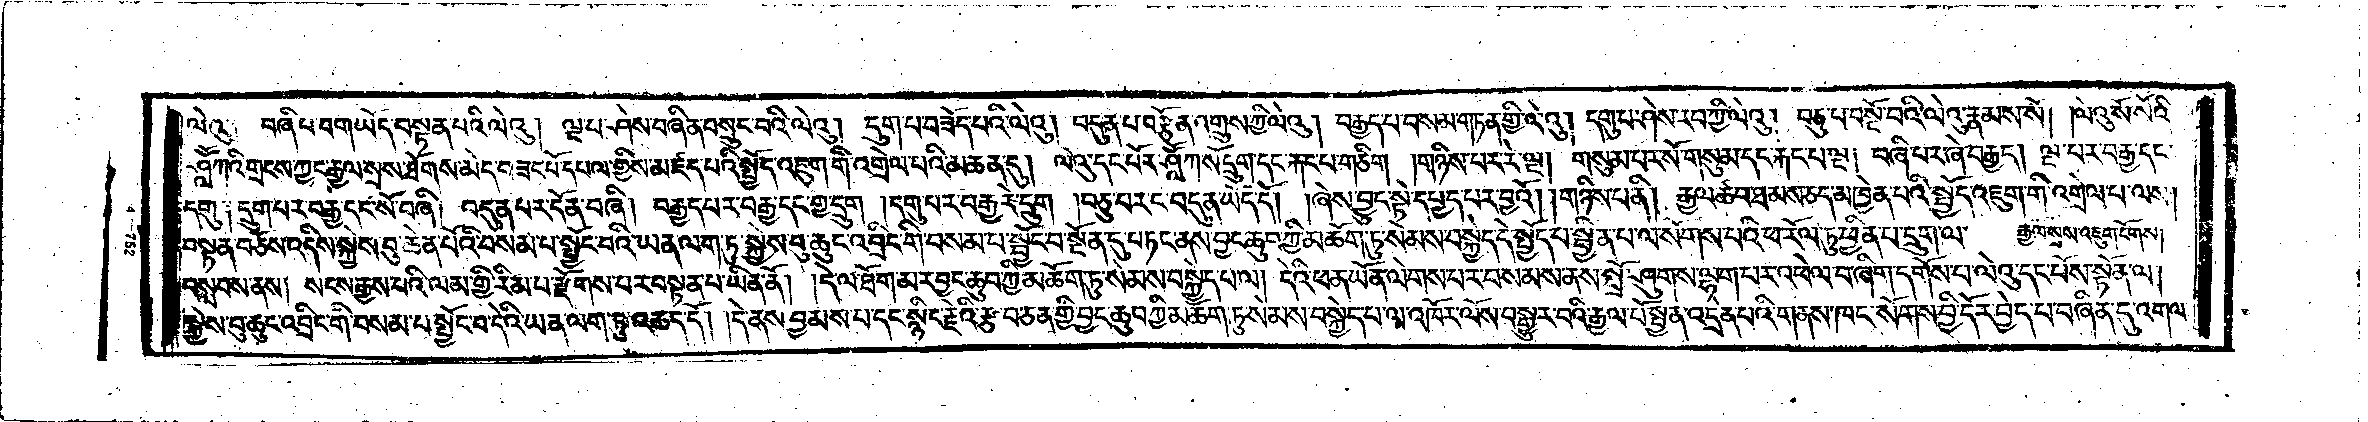ལེའུ༑ བཞི་པ་བག་ཡོད་བསྟན་པའི་ལེའུ། ལྔ་པ་ཤེས་བཞིན་བསྲུང་བའི་ལེའུ། དུག་པ་བཟོད་པའི་ལེའུ། བདུན་པ་བརྩོན་འགྲུས་ཀྱི་ལེའུ། བརྒྱད་པ་བསམ་གཏན་གྱི་ལེའུ། དགུ་པ་ཤེས་རབ་ཀྱི་ལེའུ། བཅུ་པ་བསྔོ་བའི་ལེའུ་རྣམས་སོ། །ལེའུ་སོ་སོའི་
ཤླཽཀའི་གྲངས་ཀྱང་རྒྱལ་སྲས་ཐོགས་མེད་བཟང་པོ་དཔལ་གྱིས་མཛད་པའི་སྤྱོད་འཇུག་གི་འགྲེལ་པའི་མཆན་དུ། ལེའུ་དང་པོར་ཤླཽཀ་སོ་དྲུག་དང་རྐང་པ་གཅིག །གཉིས་པར་རེ་ལྔ། གསུམ་པར་སོ་གསུམ་དང་རྐང་པ་ལྔ། བཞི་པར་ཞེ་བརྒྱད། ལྔ་པར་བརྒྱ་དང་
དགུ ༑དྲུག་པར་བརྒྱ་དང་སོ་བཞི། བདུན་པར་དོན་བཞི། བརྒྱད་པར་བརྒྱ་དང་གྱ་དྲུག །དགུ་པར་བརྒྱ་རེ་དྲུག །བཅུ་པར་ང་བདུན་ཡོད་དོ། །ཞེས་བྱུང་སྟེ་དཔྱད་པར་བྱའོ། །གཉིས་པ་ནི། རྒྱལ་ཚབ་ཐམས་ཅད་མཁྱེན་པའི་སྤྱོད་འཇུག་གི་འགྲེལ་རྒྱས་སྲས་འཇུག་དོགས།  པ་ལས།
བསྟན་བཅོས་འདིས་སྐྱེས་བུ་ཆེན་པོའི་བསམ་པ་སྦྱོང་བའི་ཡན་ལག་ཏུ་སྐྱེས་བུ་ཆུང་འབྲིང་གི་བསམ་པ་སྦྱོང་བ་སྔོན་དུ་བཏང་ནས་བྱང་ཆུབ་ཀྱི་མཆོག་ཏུ་སེམས་བསྐྱེད་དེ་སྤྱོད་པ་སྦྱིན་པ་ལ་སོགས་པའི་ཕ་རོལ་ཏུ་ཕྱིན་པ་དྲུག་ལ་
བསླབས་ནས། སངས་རྒྱས་པའི་ལམ་གྱི་རིམ་པ་རྫོགས་པར་བསྟན་པ་ཡིན་ནོ། །དེ་ལ་ཐོག་མར་བྱང་ཆུབ་ཀྱི་མཆོག་ཏུ་སེམས་བསྐྱེད་པ་ལ། དེའི་ཕན་ཡོན་ལེགས་པར་བསམས་ནས་སྤྲོ་ཤུགས་ལྷག་པར་འཕེལ་བ་ཞིག་དགོས་པ་ལེའུ་དང་པོས་སྟོན་ལ།
སྐྱེས་བུ་ཆུང་འབྲིང་གི་བསམ་པ་སྦྱོང་བ་དེའི་ཡན་ལག་ཏུ་འཆད་དོ། །དེ་ནས་བྱམས་པ་དང་སྙིང་རྗེའི་རྩ་བ་ཅན་གྱི་བྱང་ཆུབ་ཀྱི་མཆོག་ཏུ་སེམས་བསྐྱེད་པ་ལ་འཁོར་ལོས་བསྒྱུར་བའི་རྒྱལ་པོ་སྤྱན་འདྲེན་པའི་གནས་ཁང་སོགས་བྱི་དོར་བྱེད་པ་བཞིན་དུ་འགལ་